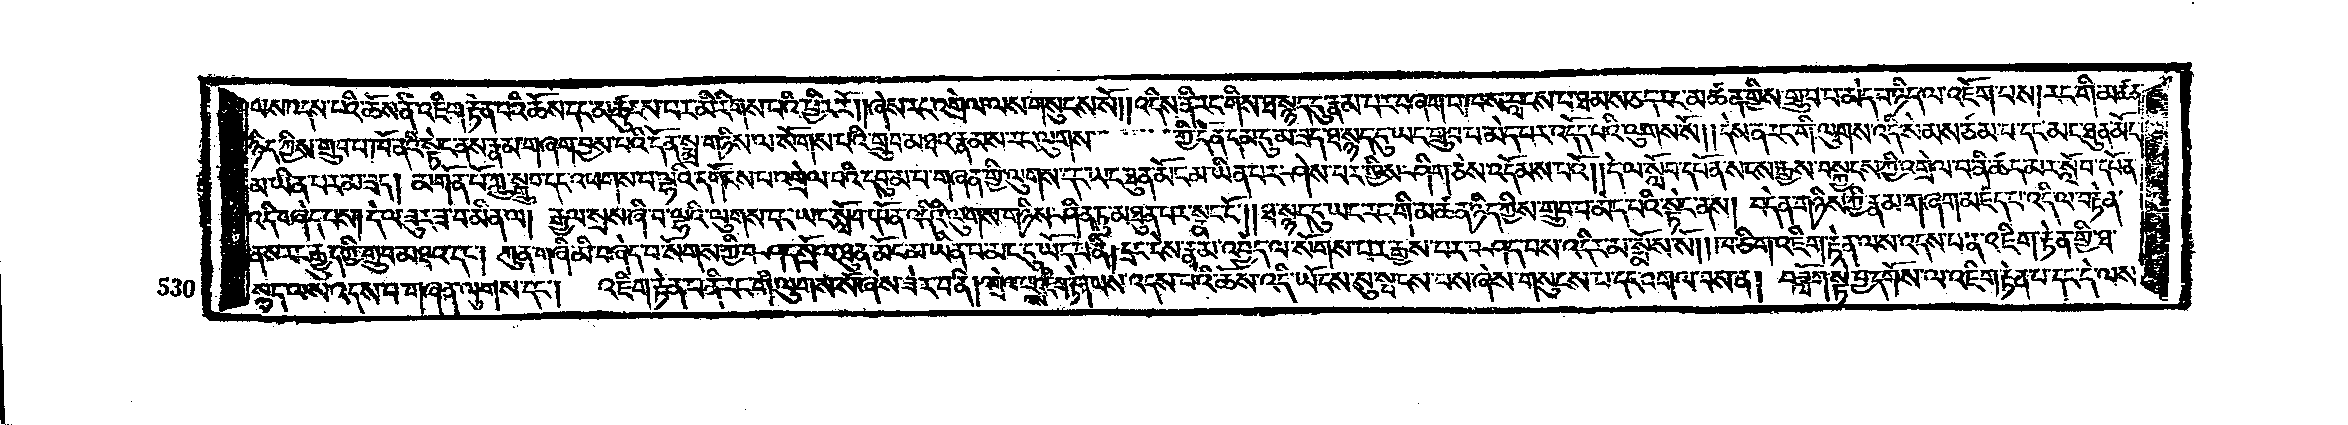ལས་འདས་པའི་ཆོས་ནི་འཇིག་རྟེན་པའི་ཆོས་དང་མཚུངས་པར་མི་རིགས་པའི་ཕྱིར་རོ། །ཞེས་རང་འགྲེལ་ལས་གསུངས་སོ། །འདིས་ནི་རང་གིས་ཐ་སྙད་དུ་རྣམ་པར་བཞག་པ་ཁས་བླངས་པ་ཐམས་ཅད་རང་མཚན་གྱིས་གྲུབ་པ་མེད་པ་ཉིད་ལ་འཇོག་པས། རང་གི་མཚན་
ཉིད་ཀྱིས་གྲུབ་པ་ཁོ་ནའི་སྟེང་ནས་རྣམ་གཞག་བྱས་པའི་དོན་སྨྲ་གཉིས་ལ་སོགས་པའི་གྲུབ་མཐའ་རྣམས་རང་ལུགས་ཀྱི་དོན་དམ་དུ་མ་ཟད་ཐ་སྙད་དུ་ཡང་གྲུབ་པ་མེད་པར་འདོད་པའི་ལུགས་སོ། །དེས་ན་རང་གི་ལུགས་འདི་སེམས་ཙམ་པ་དང་ཡང་ཐུན་མོང་
མ་ཡིན་པར་མ་ཟད། མགོན་པོ་ཀླུ་སྒྲུབ་དང་འཕགས་པ་ལྷའི་དགོངས་པ་འགྲེལ་བའི་དབུ་མ་པ་གཞན་གྱི་ལུགས་དང་ཡང་ཐུན་མོང་མ་ཡིན་པར་ཤེས་པར་གྱིས་ཤིག་ཅེས་འདོམས་པའོ། །དེ་ལ་སློབ་དཔོན་སངས་རྒྱས་བསྐྱངས་ཀྱི་འགྲེལ་བ་ནི་ཚད་མར་སློབ་དཔོན་
འདི་བཞེད་པས། དེ་ལ་ཟུར་ཟ་བ་མིན་ལ། རྒྱལ་སྲས་ཞི་བ་ལྷའི་ལུགས་དང་ཡང་སློབ་དཔོན་འདིའི་ལུགས་གཉིས་ཤིན་ཏུ་མཐུན་པར་སྣང་ངོ། །ཐ་སྙད་དུ་ཡང་རང་གི་མཚན་ཉིད་ཀྱིས་གྲུབ་པ་མེད་པའི་སྟེང་ནས། བདེན་གཉིས་ཀྱི་རྣམ་གཞག་མཛད་པ་འདི་ལ་བརྟེན་
ནས་རང་རྒྱུད་ཀྱི་གྲུབ་མཐའ་དང་། ཀུན་གཞི་མི་བཞེད་པ་སོགས་ཀྱི་བཤད་སྲོལ་ཐུན་མོང་མ་ཡིན་པ་མང་དུ་ཡོད་པ་ནི། དྲང་ངེས་རྣམ་འབྱེད་ལ་སོགས་པར་རྒྱས་པར་བཤད་པས་འདིར་མ་སྨོས་སོ། །ཁ་ཅིག་འཇིག་རྟེན་ལས་འདས་པ་ན་འཇིག་རྟེན་གྱི་ཐ་
སྙད་ལས་འདས་པ་གཞན་ལུགས་དང་། འཇིག་རྟེན་པ་ནི་རང་གི་ལུགས་སོ་ཞེས་ཟེར་བ་ནི། འགྲེལ་པ་ལས་འཇིག་རྟེན་ལས་འདས་པའི་ཆོས་འདི་ཡོངས་སུ་སྤངས་པས་ཞེས་གསུངས་པ་དང་འགལ་བས་ན། བཟློག་སྟེ་བྱ་དགོས་ལ་འཇིག་རྟེན་པ་དང་དེ་ལས་